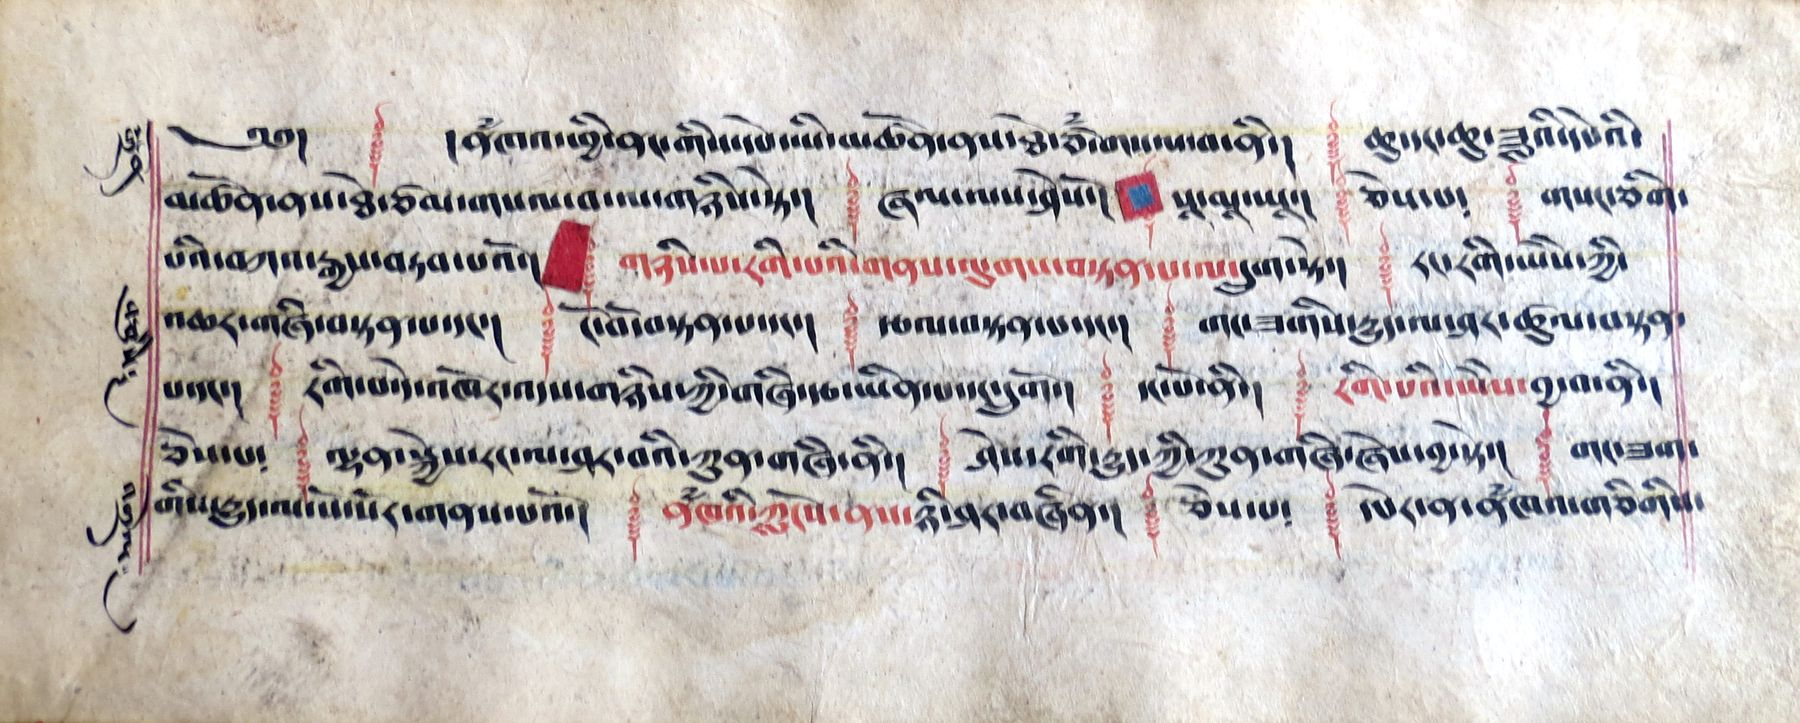ནམ་མཁའ་ཕྱི་ནང་གི་དཔེ་ཡིས་མཚོན་ནས་ཐེ་ཚོམ་བསལ་བ་དང་། ཆུ་དང་ཆུ་ཟླའི་དཔེ་ཡིས་
མཚོན་ནས་ཐེ་ཚོམ་བསལ་བ་ལ་གཉིས་ཏེ། ཞལ་ལས་ཤེས་སོ། ། ས་མ་ཡ། །ཞེས་པས། གསོངས་ཤིག་
པའི་བཀའ་རྒྱས་བཏབ་པའོ། ། ཁ༽གཉིས་པ་རིག་པའི་གནས་ལུགས་བསྟན་པ་ལ་དྲུག་སྟེ། རང་རིག་ཡེ་ཤེས་ཀྱི་
འཆར་གཞི་བསྟན་པ་དང་། ངོ་བོ་བསྟན་པ་དང་། རྩལ་བསྟན་པ་དང་། གང་ཟག་གི་རྒྱུད་ལ་ཤར་ཚུལ་བསྟན་
པ་དང་། རིག་པ་དེ་འཁོར་འདས་ཀྱི་གཞི་རྩ་ཡིན་པ་དང་དྲུག་གོ། དང་པོ་རིག་པའི་ཡེ་ཤེས་བྱ་བ་ནི། 
ཞེས་པས། ལྷན་སྐྱེས་རང་ལ་ཤར་བའི་ཀུན་གཞི་ནི། ཤེས་རིག་རྒྱུད་ཀྱི་ཀུན་གཞི་ཞེས་བྱ་སྟེ། གང་ཟག་
གི་རྒྱུད་ལ་སོ་སོར་གནས་པའོ། །ནམ་མཁའི་ཀློང་ནས་ཉི་ཤར་བཞིན། །ཞེས་པས་དཔེར་ན་ནམ་མཁའ་གཅིག་གིས་